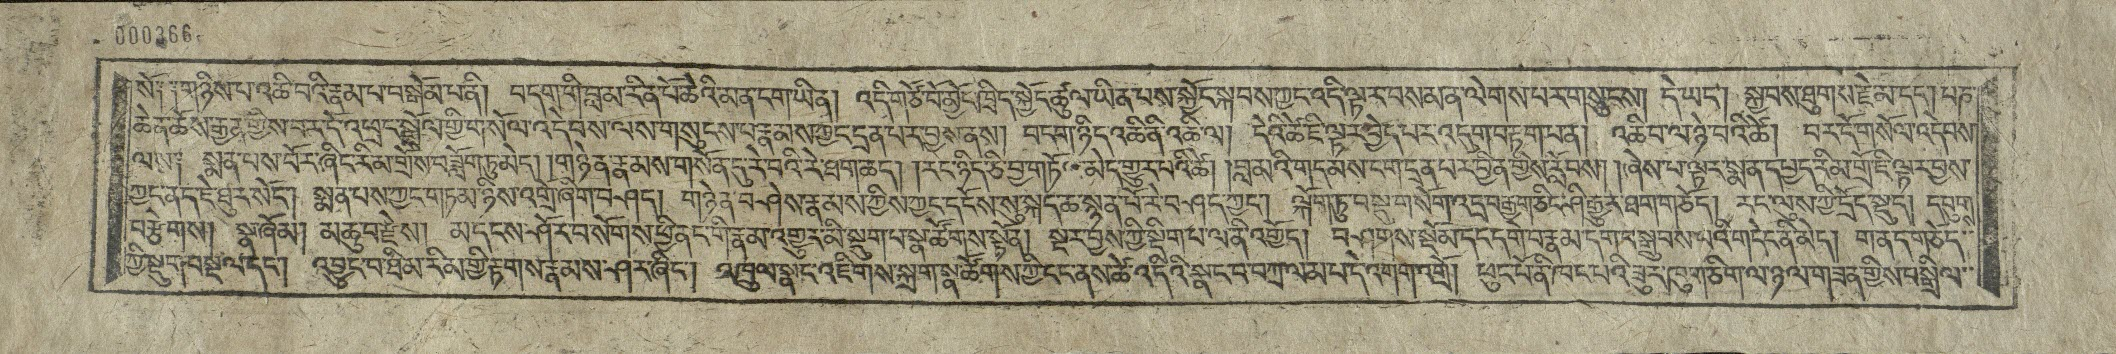སོ༑ ༑གཉིས་པ་འཆི་བའི་རྣམ་པ་བསྒོམ་པ་ནི། བདག་གི་བླ་མ་རིན་པོ་ཆེའི་མན་ངག་ཡིན། འདི་གཙོ་བོ་མྱོང་ཁྲིད་སྐྱོད་ཚུལ་ཡིན་པས་སྐྱོང་སྐབས་ཀྱང་འདི་ལྟར་བསམ་ན་ལེགས་པར་གསུངས། དེ་ཡང་། སྐྱབས་ཐུགས་རྗེ་མ་དང་། པཎ་
ཆེན་ཆོས་རྒྱན་གྱིས་པར་དོ་འཕྲང་སྒྲོལ་གྱི་གསོལ་འདེབས་ལས་གསུངས་པ་རྣམས་ཀྱང་དྲན་པར་བྱས་ནས། བདག་ཉིད་འཆི་ནི་འཆི་ལ། དེའི་ཚེ་ཇི་ལྟར་བྱེད་པར་འདུག་བརྟག་པ་ན། འཆི་བ་ལ་ཉེ་བའི་ཚེ། བར་དོ་གསོལ་འདེབས་
ལས༑ སྨན་པས་བོར་ཞིང་རིམ་གྲོས་བཟློག་ཏུ་མེད། །གཉེན་རྣམས་གསོན་དུ་རེ་བའི་རེ་ཐག་ཆད། །རང་ཉིད་ཅི་བྱ་གཏོལ་མེད་གྱུར་པའི་ཚེ། །བླ་མའི་གདམས་ངག་དྲན་པར་བྱིན་གྱིས་རློབས། །ཞེས་པ་ལྟར་སྨན་དཔྱད་རིམ་གྲོ་ཇི་ལྟར་བྱས་
ཀྱང་ནད་ཇེ་ཐུར་སོང་། སྨན་པས་ཀྱང་གཏམ་ཉིས་འགྲོ་ཞིག་བཤད། གཉེན་བཤེས་རྣམས་ཀྱིས་ཀྱང་དངོས་སུ་སྐད་ཆ་སྙན་པོ་རེ་བཤད་ཀྱང་། ལྐོག་ཏུ་བསྡུ་གསོག་འདྲ་བརྒྱག་ཅིང་ཤི་རྒྱུར་ཐག་གཅོད། རང་ལུས་ཀྱི་དྲོད་སྡུད། དབུགས་
བརྩེགས། སྣ་ཞོམ། མཆུ་བརྫེས། མདངས་ཤོར་བ་སོགས་ཕྱི་ནང་གི་རྣམ་འགྱུར་མི་སྡུག་པ་སྣ་ཚོགས་སྟོན། སྔར་བྱས་ཀྱི་སྡིག་པ་ལ་ནི་འགྱོད། བཤགས་སྡོམ་དང་དགེ་བ་རྣམ་དག་བསྒྲུབས་པའི་གདེང་ནི་མེད། གནད་གཅོད་
ཀྱི་སྡུག་བསྔལ་དང་། འབྱུང་བ་ཐིམ་རིམ་གྱི་རྟགས་རྣམས་ཤར་ཞིང་། འཁྲུལ་སྣང་འཇིགས་སྐྲག་སྣ་ཚོགས་ཀྱི་ངང་ནས་ཚེ་འདིའི་སྣང་བ་བཀྲ་ལམ་པ་དེ་འགག་འགྲོ། ཕུང་པོ་ནི་ཁང་པའི་ཟུར་ཁུག་ཅིག་ལ་ཉལ་གཟན་གྱིས་བསྒྲིལ་